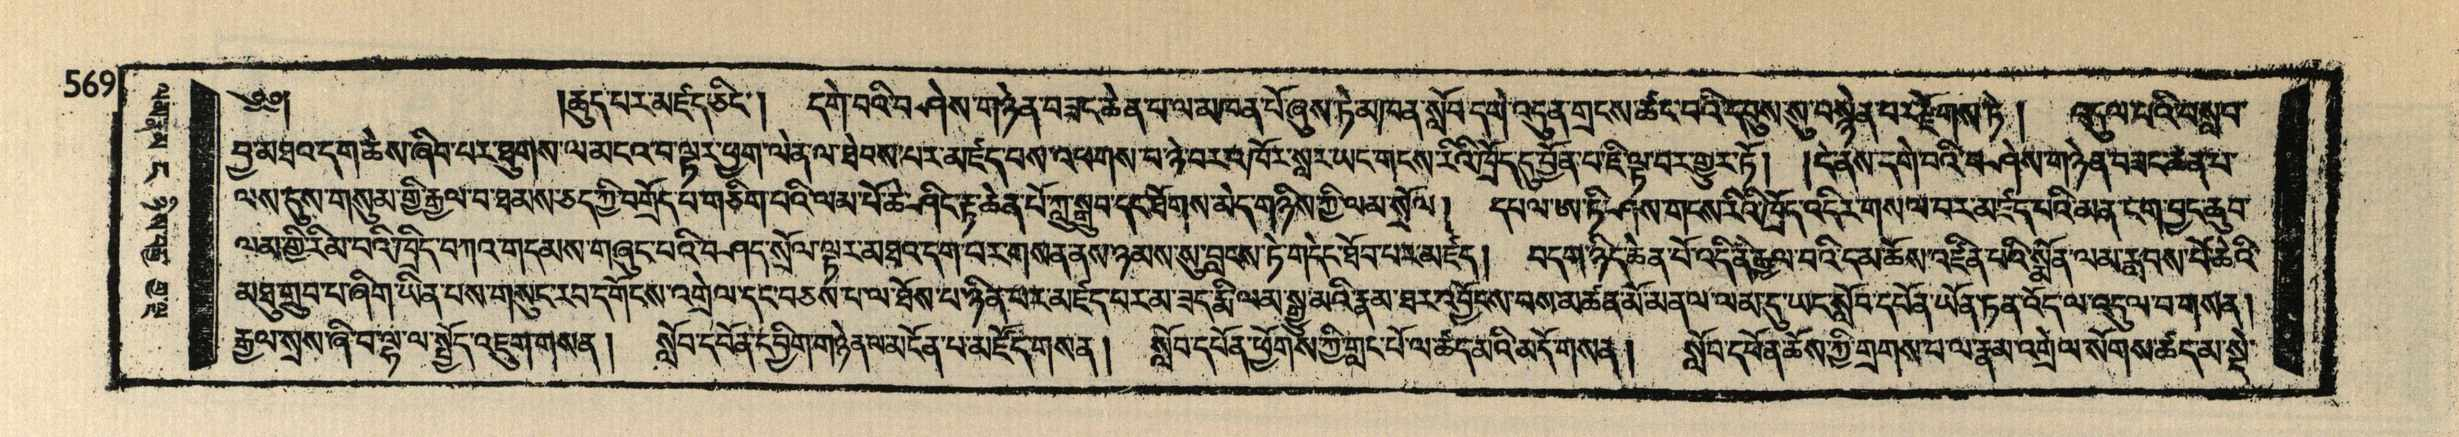༄༅། །ཆུད་པར་མཛད་ཅིང་། དགེ་བའི་བཤེས་གཉེན་བཟང་ཆེན་པ་ལ་མཁན་པོ་ཞུས་ཏེ་མཁན་སློབ་དགེ་འདུན་གྲངས་ཚང་བའི་དབུས་སུ་བསྙེན་པར་རྫོགས་ཏེ། འདུལ་བའི་བསླབ་
བྱ་མཐའ་དག་ཆེས་ཞིབ་པར་ཐུགས་ལ་མངའ་བ་ལྟར་ཕྱག་ལེན་ལ་ཐེབས་པར་མཛད་བས་འཕགས་པ་ཉེ་བར་འཁོར་སླར་ཡང་གངས་རིའི་ཁྲོད་དུ་བྱོན་པ་ཇི་ལྟ་བར་གྱུར་ཏོ། །དེ་ནས་དགེ་བའི་བཤེས་གཉེན་བཟང་ཆེན་པ་
ལས་དུས་གསུམ་གྱི་རྒྱལ་བ་ཐམས་ཅད་ཀྱི་བགྲོད་པ་གཅིག་པའི་ལམ་པོ་ཆེ་ཤིང་རྟ་ཆེན་པོ་ཀླུ་སྒྲུབ་དང་ཐོགས་མེད་གཉིས་ཀྱི་ལམ་སྲོལ། དཔལ་ཨ་ཏི་ཤས་གངས་རིའི་ཁྲོད་འདིར་གསལ་བར་མཛད་པའི་མན་ངག་བྱང་ཆུབ་
ལམ་གྱི་རིམ་པའི་ཁྲིད་བཀའ་གདམས་གཞུང་པའི་བཤད་སྲོལ་ལྟར་མཐའ་དག་བར་གསན་ནས་ཉམས་སུ་བླངས་ཏེ་གདེང་ཐོབ་པར་མཛད། བདག་ཉིད་ཆེན་པོ་འདི་ནི་རྒྱལ་བའི་དམ་ཆོས་འཛིན་པའི་སྨོན་ལམ་རླབས་པོ་ཆེའི་
མཐུ་གྲུབ་པ་ཞིག་ཡིན་པས་གསུང་རབ་དགོངས་འགྲེལ་དང་བཅས་པ་ལ་ཐོས་པ་ཉིན་པར་མཛད་པར་མ་ཟད་རྨི་ལམ་སྒྱུ་མའི་རྣམ་ཐར་འབྱོངས་བས་མཚན་མོ་མནལ་ལམ་དུ་ཡང་སློབ་དཔོན་ཡོན་ཏན་འོད་ལ་འདུལ་བ་གསན།
རྒྱལ་སྲས་ཞི་བ་ལྷ་ལ་སྤྱོད་འཇུག་གསན། སློབ་དཔོན་དབྱིག་གཉེན་ལ་མངོན་པ་མཛོད་གསན། སློབ་དཔོན་ཕྱོགས་ཀྱི་གླང་པོ་ལ་ཚད་མའི་མདོ་གསན། སློབ་དཔོན་ཆོས་ཀྱི་གྲགས་པ་ལ་རྣམ་འགྲེལ་སོགས་ཚད་མ་སྡེ་